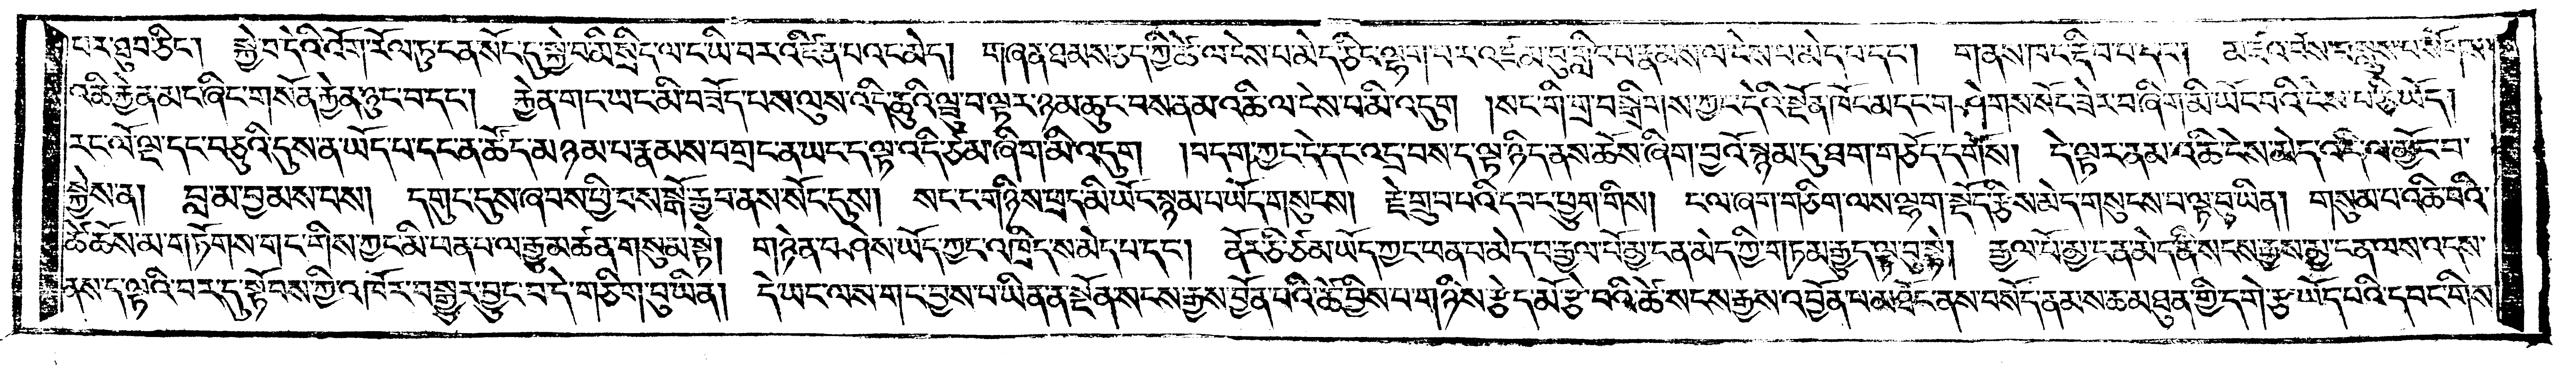བར་ཐུབ་ཅིང་། སྐྱེ་བ་དེའི་འོག་རོལ་ཏུ་ངན་སོང་དུ་སྐྱེ་བ་མི་སྲིད་ལ་ང་ཡི་བར་འཛིན་པའང་མེད། གཞན་ཐམས་ཅད་ཀྱི་ཚེ་ལ་ངེས་པ་མེད་ཅིང་ལྷག་པར་འཛམ་བུ་གླིང་པ་རྣམས་ལ་ངེས་བ་མེད་པ་དང་། གནས་ཁང་རྡིབ་བ་དང་། མཛའ་བོས་བསླུས་པ་སོགས་
འཆི་རྐྱེན་མང་ཞིང་གསོན་རྐྱེན་ཉུང་བ་དང་། རྐྱེན་གང་ཡང་མི་བཟོད་པས་ལུས་འདི་ཆུའི་ལྦུ་བ་ལྟར་ཉམ་ཆུང་བས་ནམ་འཆི་ལ་ངེས་པ་མི་འདུག །སང་གི་གྲ་བསྒྲིགས་ཀྱང་དེའི་སྔོན་ཁོང་མ་དང་གཤེགས་སོང་ཟེར་བ་ཞིག་མི་ཡོང་བའི་ངེས་པ་ཅི་ཡོད།
རང་ལོ་ལྔ་དང་བཅུའི་དྲུས་ན་ཡོད་བ་དང་ན་ཚོད་མཉམ་བ་རྣམས་བགྲང་ན་ཡང་ད་ལྟ་འདི་ཙམ་ཞིག་མི་འདུག །བདག་ཀྱང་དེ་དང་འདྲ་བས་ད་ལྟ་ཉིད་ནས་ཆོས་ཞིག་བྱའོ་སྙམ་དུ་ཐག་གཅོད་དགོས། དེ་ལྟར་ནམ་འཆི་ངེས་མེད་འདི་ལ་མྱོང་བ་
སྐྱེས་ན། བླ་མ་བྱམས་པས། དགུང་དུས་ཞབས་ཕྱི་བས་སྒོ་རྒྱབ་ནས་སོང་དུས། སང་ང་གཉིས་ཕྲད་མི་ཡོང་སྙམ་པ་ཡོད་གསུངས། རྗེ་གྲུབ་པའི་དབང་ཕྱུག་གིས། ང་ལ་ཞག་གཅིག་ལས་ལྷག་སྡོད་རྩིས་མེད་གསུངས་བ་ལྟ་བུ་ཡིན། གསུམ་བ་འཆི་བའི་
ཚེ་ཆོས་མ་གཏོགས་གང་གིས་ཀྱང་མི་ཕན་པ་ལ་རྒྱུ་མཚན་གསུམ་སྟེ། གཉེན་བཤེས་ཡོད་ཀྱང་འཁྲིད་ས་མེད་པ་དང་། ནོར་ཅི་ཙམ་ཡོད་ཀྱང་ཕན་པ་མེད་བ་རྒྱལ་པོ་མྱ་ངན་མེད་ཀྱི་གཏམ་རྒྱུད་ལྟ་བུ་སྟེ། རྒྱལ་པོ་མྱ་ངན་མེད་ནི་སངས་རྒྱས་མྱ་ངན་ལས་འདས་
ནས་ད་ལྟའི་བར་དུ་སྟོབས་ཀྱི་འཁོར་བསྒྱུར་བྱུང་བ་དེ་གཅིག་བུ་ཡིན། དེ་ཡང་ལས་གང་བྱས་པ་ཡིན་ན་སྔོན་སངས་རྒྱས་བྱོན་པའི་ཚེ་བྱིས་བ་གཉིས་རྩེད་མོ་རྩེ་བའི་ཚེ་སངས་རྒྱས་འབྱོན་པ་མཐོང་ནས་བསོད་ནམས་ཆ་མཐུན་གྱི་དགེ་རྩ་ཡོད་བའི་དབང་གིས་